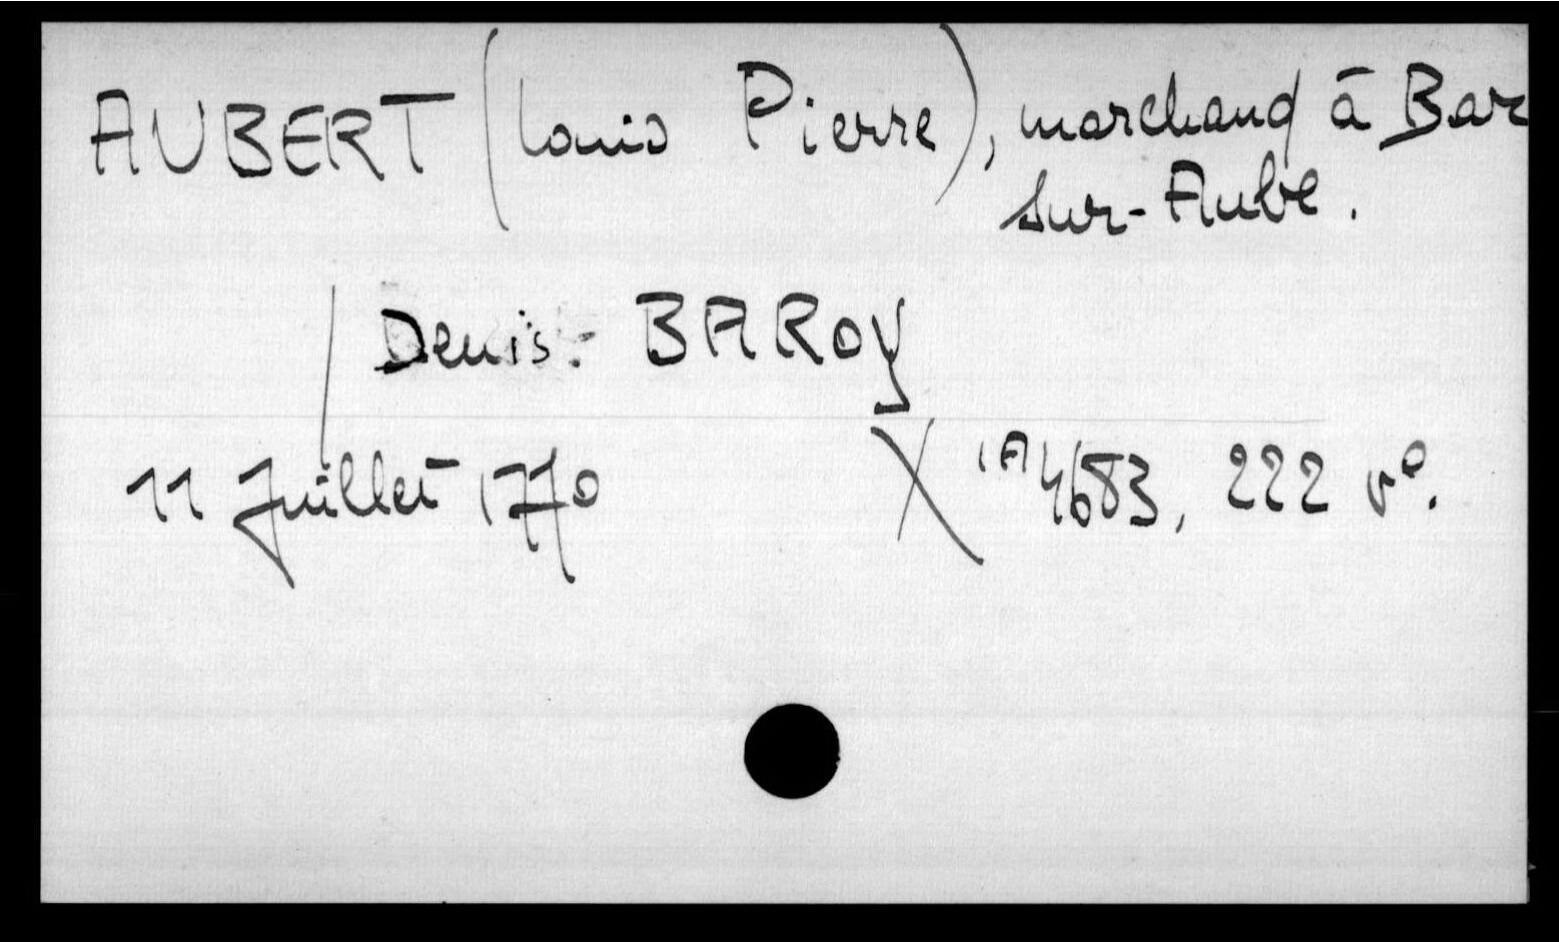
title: AUBERT (Louis Pierre), marchand à Bar-sur-Aube
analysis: Contre Denis BAROY
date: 11 juillet 1770
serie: X1A
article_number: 4683
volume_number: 222v
